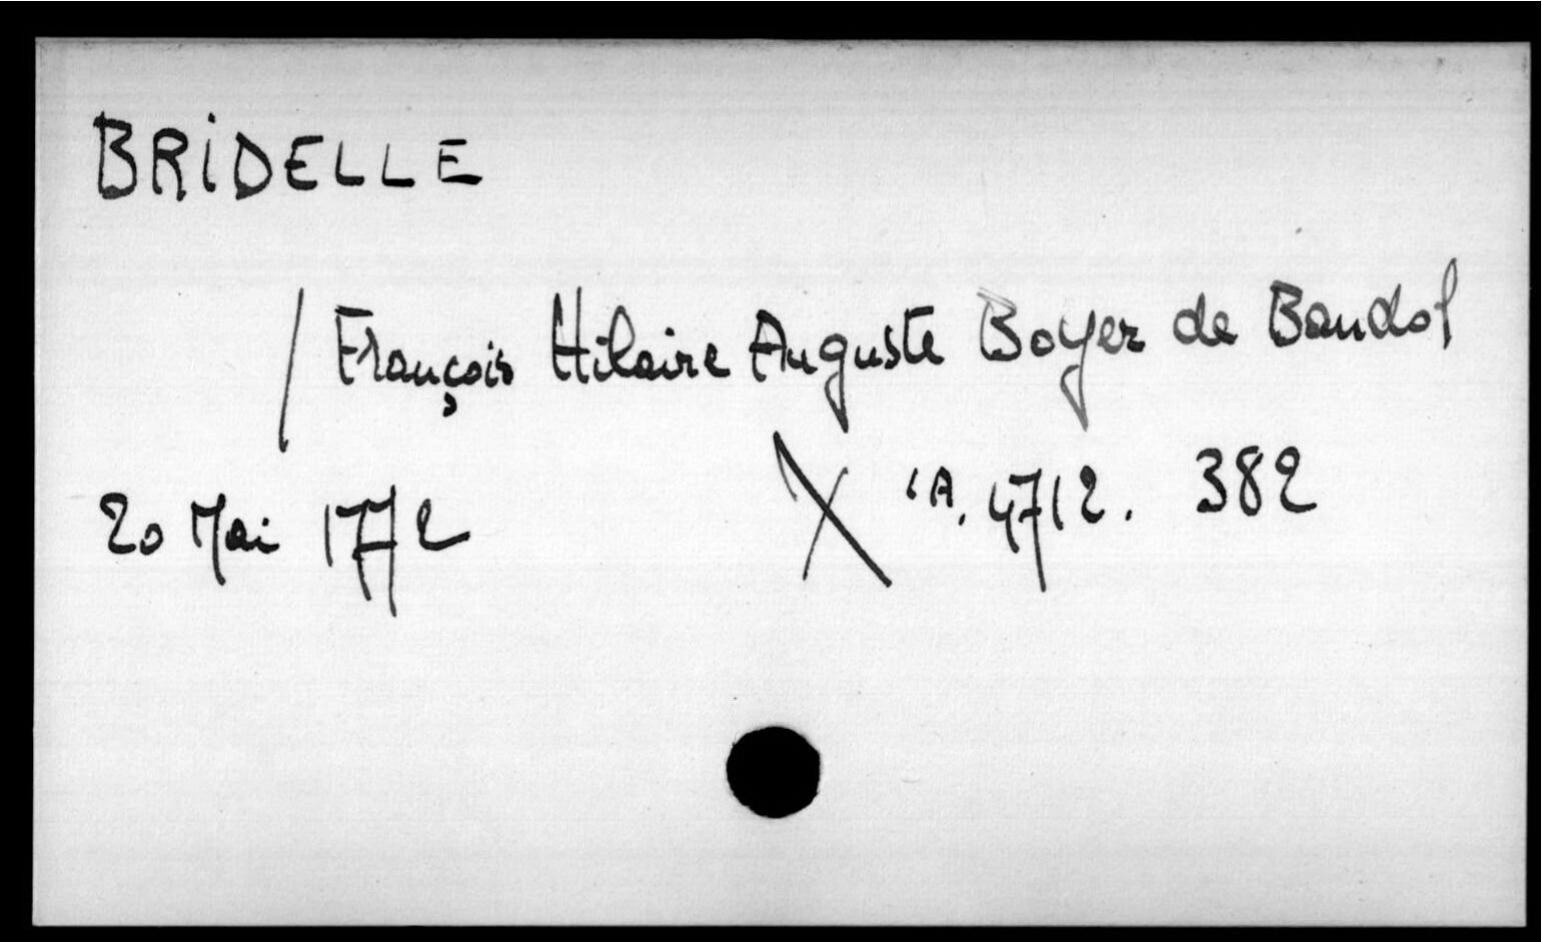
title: BRIDELLE
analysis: Contre François Hilaire Auguste Boyer de Bandol
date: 20 mai 1772
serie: X1A
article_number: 4712
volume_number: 382
